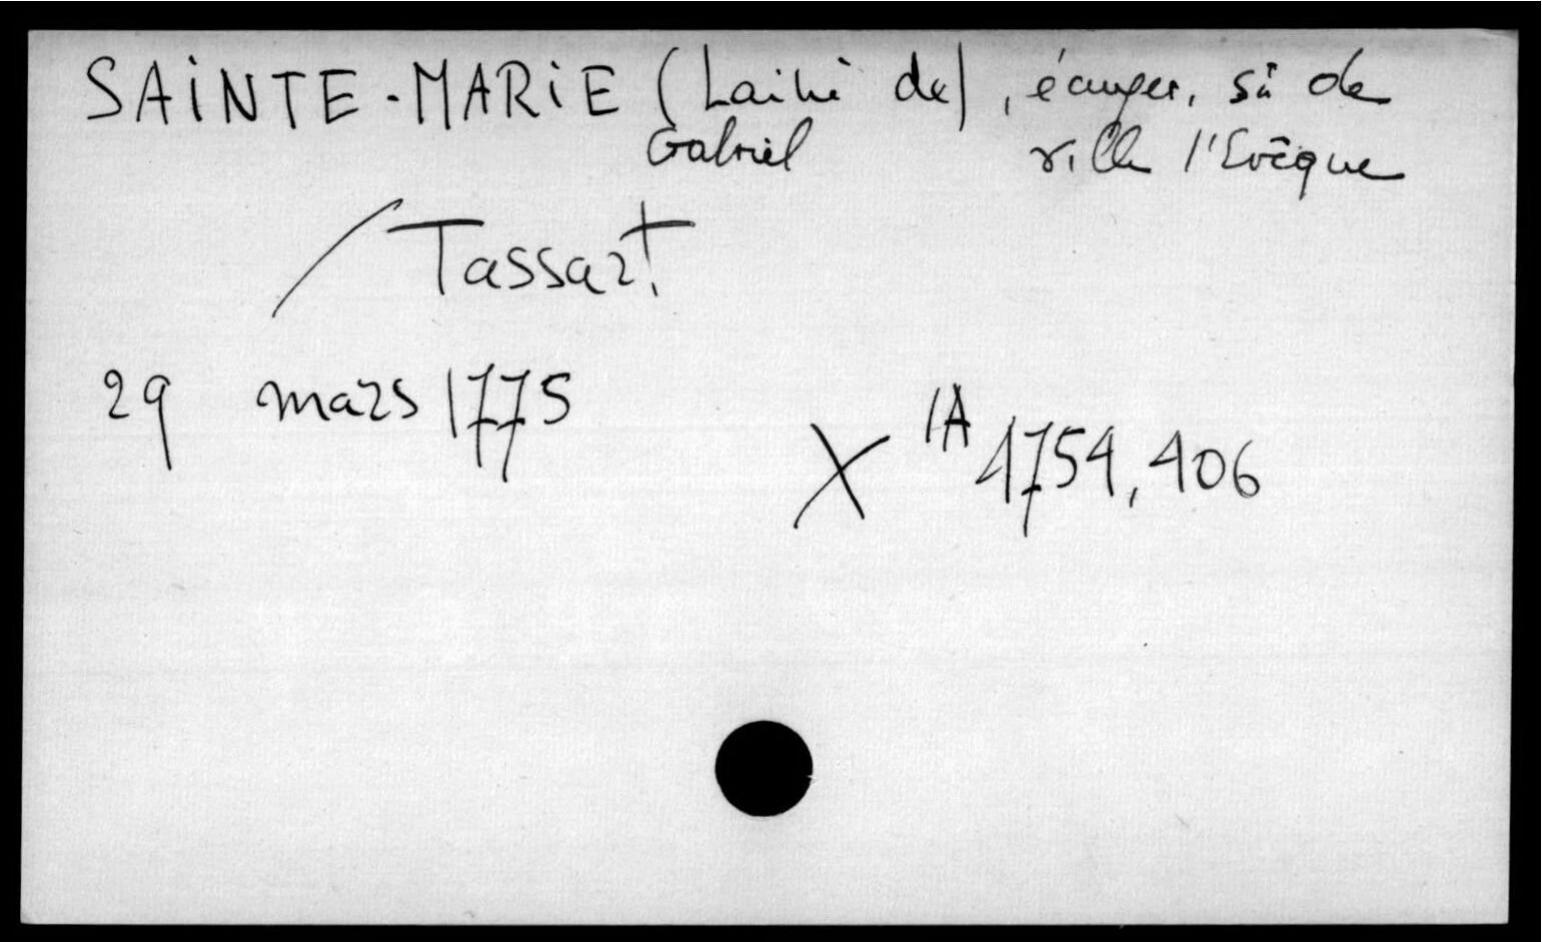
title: SAINTE-MARIE (Gabriel Lainé de), écuyer, sieur de Ville L'Évêque
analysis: Contre Tassart
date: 29 mars 1775
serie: X1A
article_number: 4754
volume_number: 406
